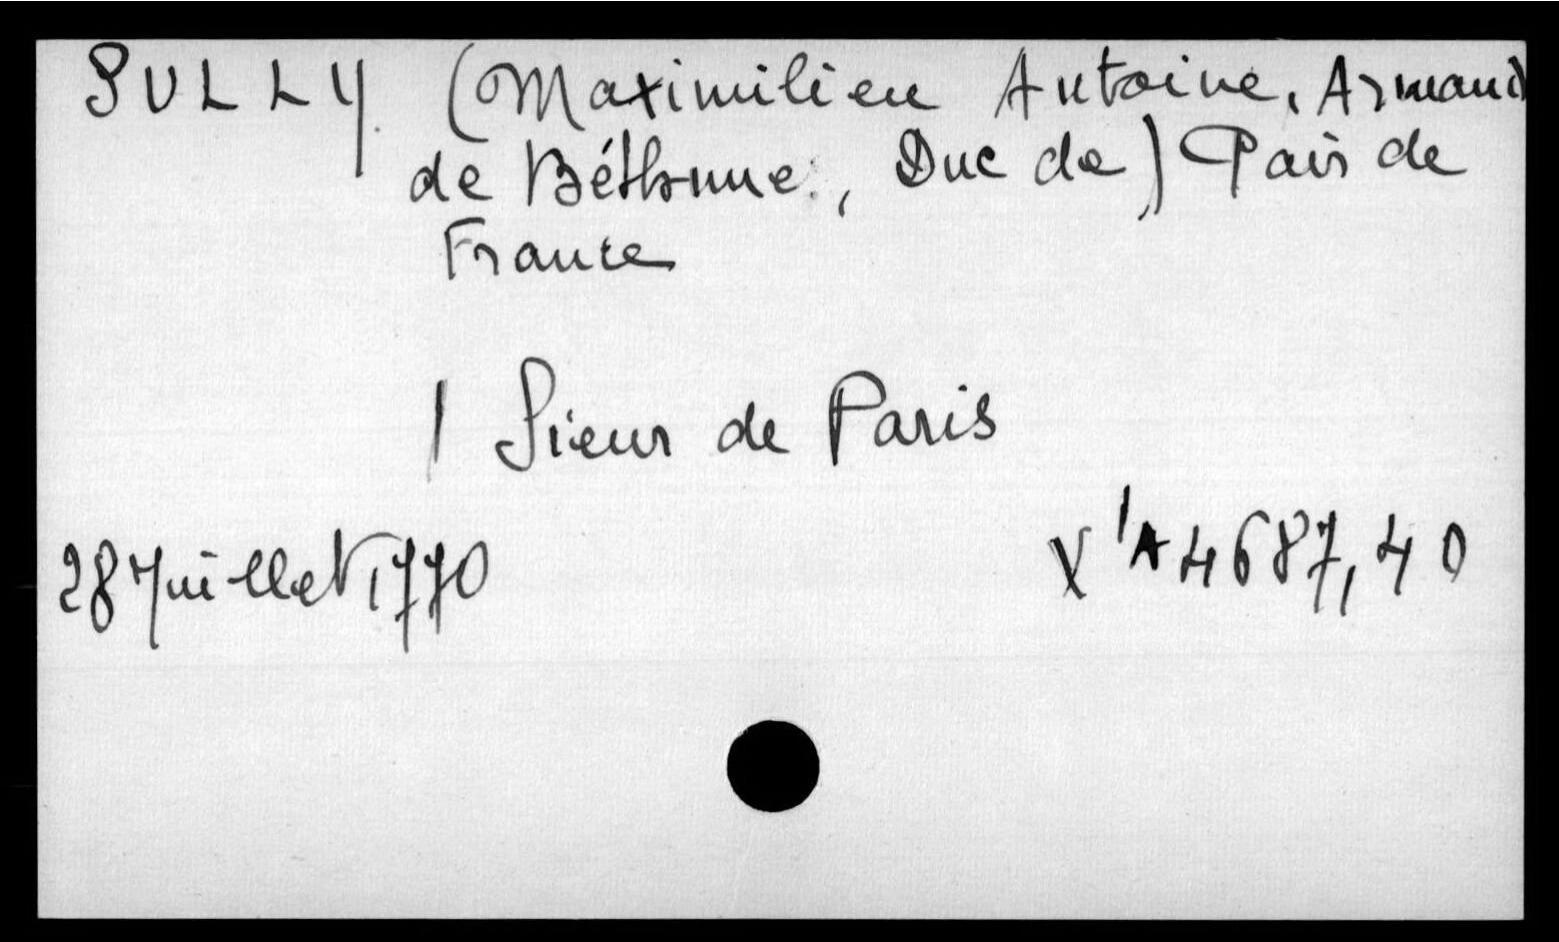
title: SULLY (Maximilien Antoine, Armand de Béthune, Duc de) Pair de France
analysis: Contre Sieur de Paris
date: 28 juillet 1770
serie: X1A
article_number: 4687
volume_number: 40
